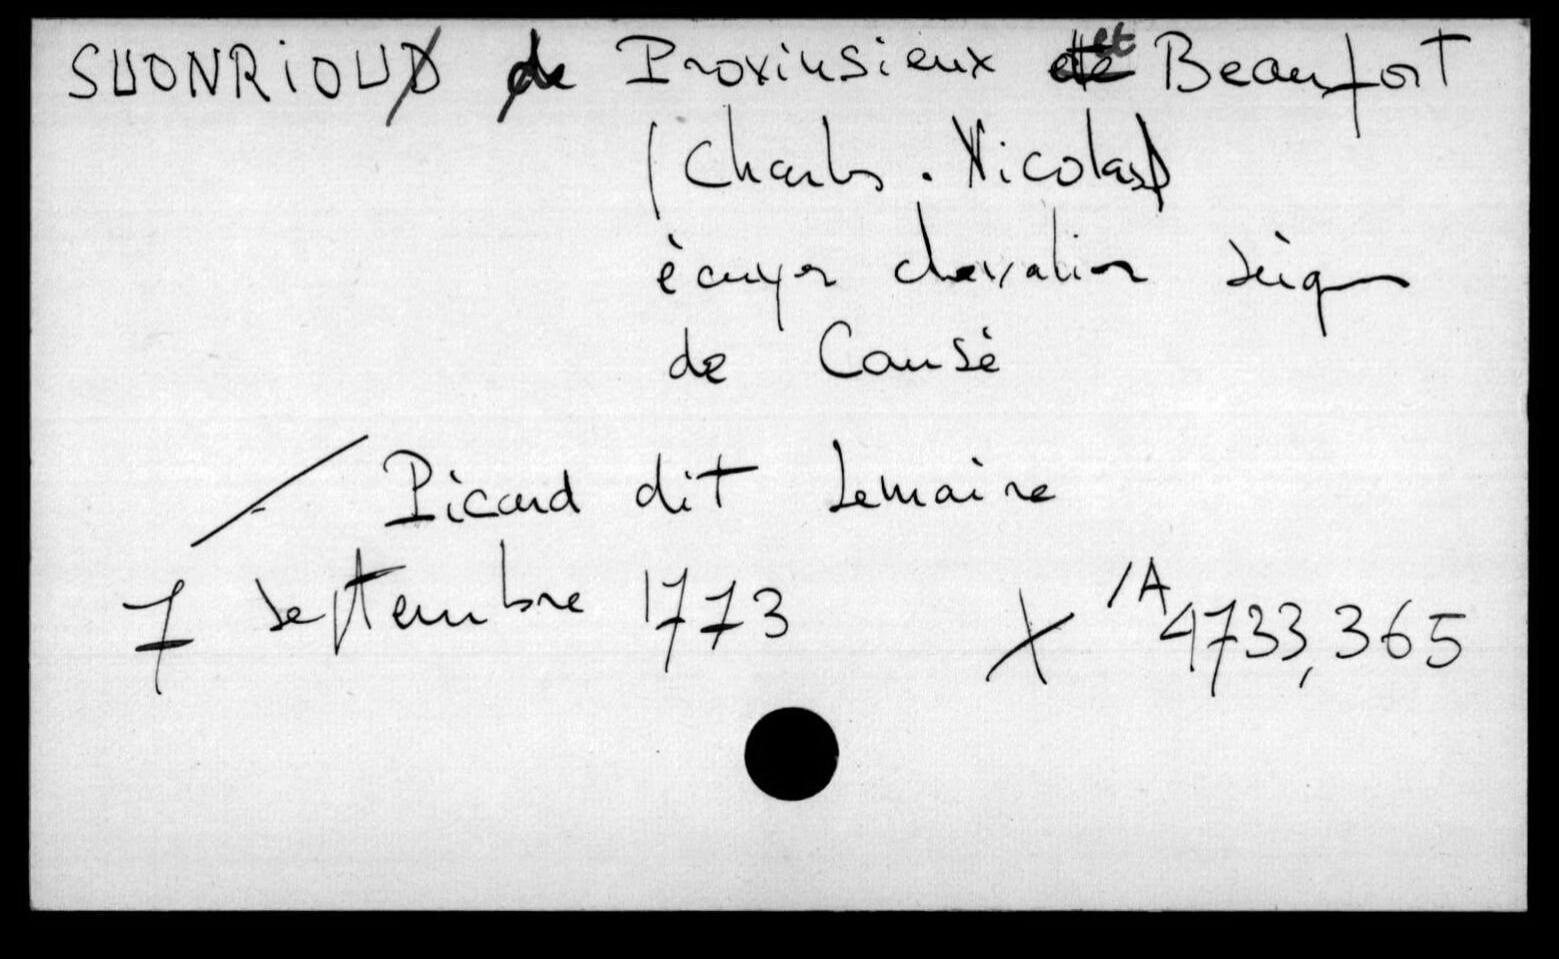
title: SUONRIOU de Provinsieux et Beaufort (Charles-Nicolas) écuyer chevalier Seigneur de Caudé
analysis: Contre Picard dit Lemaire
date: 7 septembre 1773
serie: X1A
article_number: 4733
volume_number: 365
